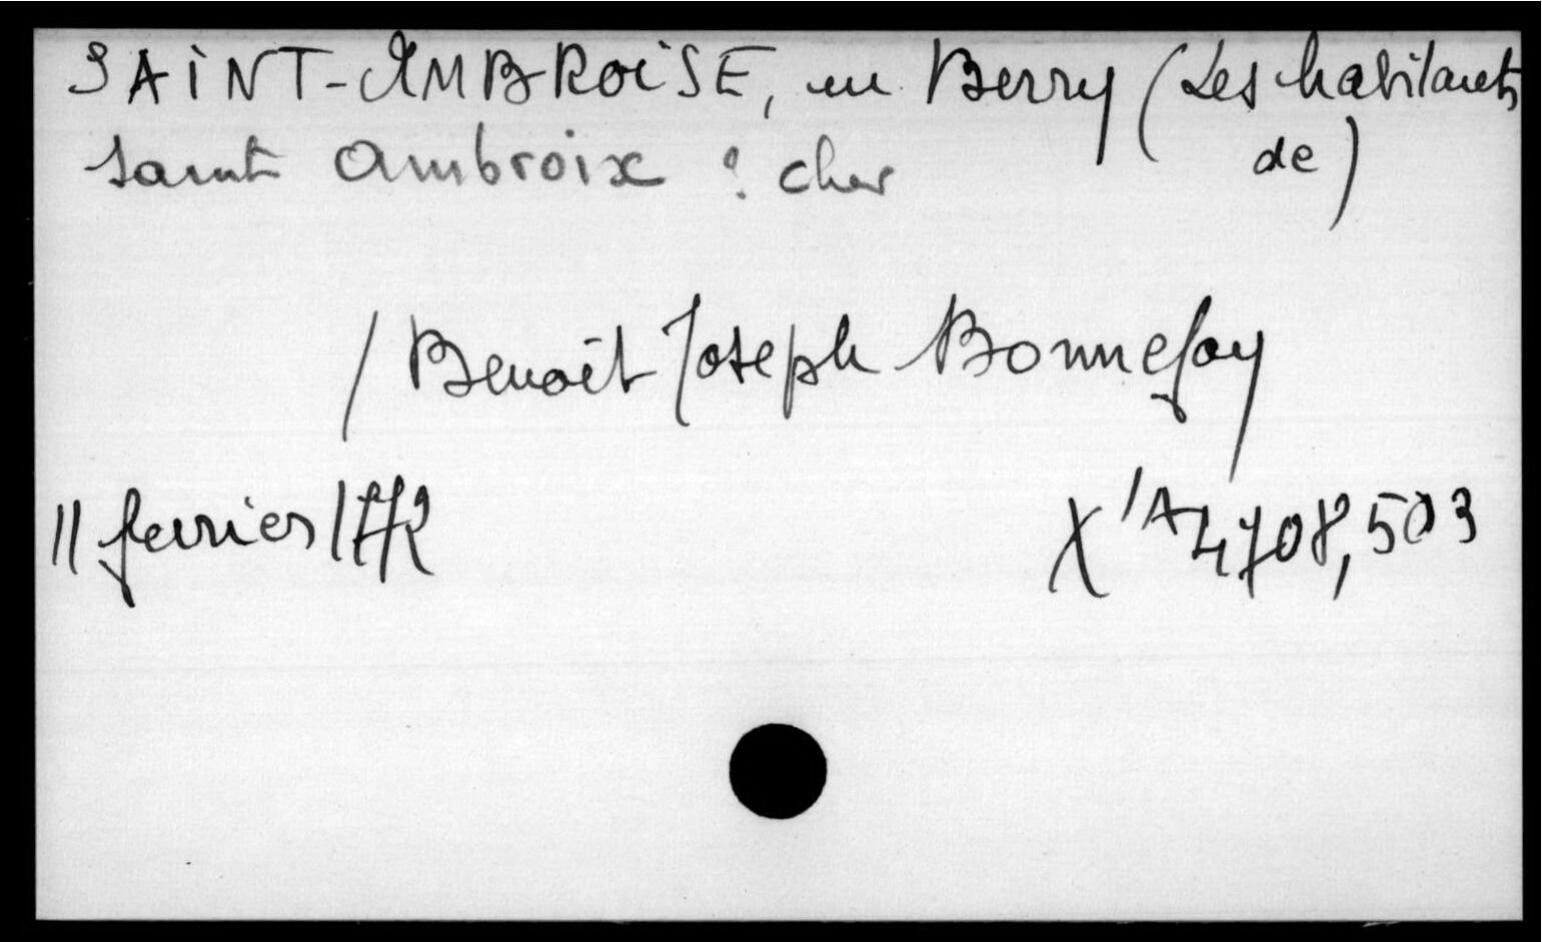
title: SAINT AMBROISE, en Berry (les habitant de) Saint Ambroix Cher
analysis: Contre Benoît Joseph Bonnefay
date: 11 février 1772
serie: X1A
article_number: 4708
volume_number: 503
